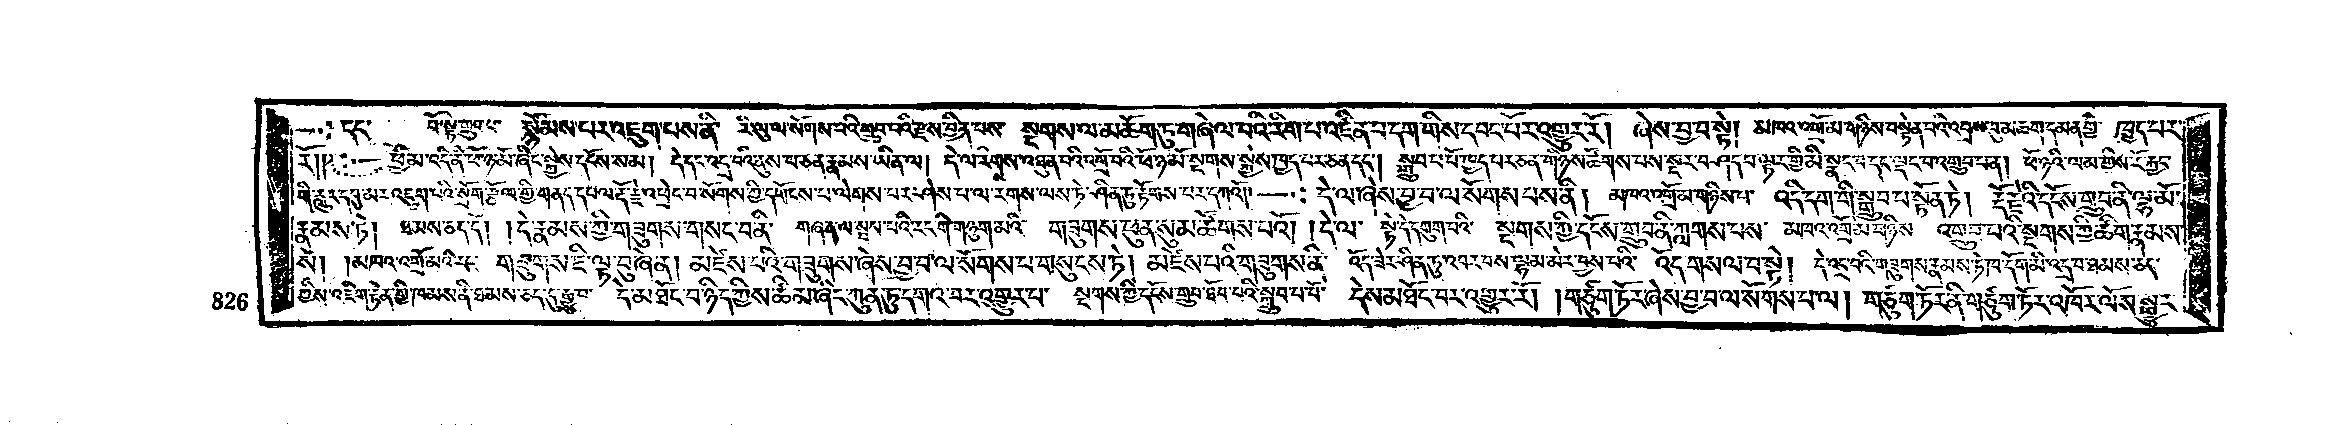.H དང་སྒྲུབ་པ་པོ་སྟེ་གྲུབ་པ་སྙོམས་པར་འཇུག་པས་ནི་རི་ལུ་ལ་སོགས་པའི་གྲུབ་པའི་རྫས་བྱིན་པས་སྔགས་ལ་མཆོག་ཏུ་གཞེལ་བའི་རིག་པ་འཛིན་པ་དག་གིས་དབང་པོར་འགྱུར་རོ། ཞེས་བྱ་བ་སྟེ། མཁའ་འགྲོ་མ་གཉིས་བསྟེན་པའི་འབྲས་བུ་མཆོག་དམན་གྱི་ཁྱད་པར་
རོ།། H.་ཕྱི་མ་འདི་ནི་ཕོ་ཉ་མོ་ཞིང་སྐྱེས་དངོས་སམ། དེ་དང་འདྲ་བའི་ནུས་པ་ཅན་རྣམས་ཡིན་ལ། དེ་ལ་རིགས་འཐུན་པའི་འགྲོ་བའི་ཕོ་ཉ་མོ་སྔགས་སྐྱེས་ཁྱད་པར་ཅན་དང་། སྒྲུབ་པ་པོ་ཁྱད་པར་ཅན་གཉིས་ཚོགས་པས་སྔར་བཤད་པ་ལྟར་གྱི་མི་སྣང་བ་དང་ལྡང་བ་འགྲུབ་པ་ན། ཕོ་ཉའི་ལམ་གྱིས་རོ་རྐྱང་
གི་རླུང་དབུ་མར་འཇུག་པའི་སྲོག་རྩོལ་གྱི་གནད་དཔལ་རྡོ་རྗེ་འཕྲེང་བ་སོགས་ཀྱི་དགོངས་པ་ལེགས་པར་ཤེས་པ་ལ་རགས་ལས་ཏེ་ཤིན་ཏུ་རྟོགས་པར་དཀའོ།། .H དེ་ལ་ཞེས་བྱ་བ་ལ་སོགས་པས་ནི། མཁའ་འགྲོ་མ་གཉིས་པོ་འདི་དག་གི་སྒྲུབ་པ་སྟོན་ཏེ། རྡོ་རྗེའི་དངོས་གྲུབ་ནི་ལྷ་མོ་
རྣམས་ཏེ། ཐམས་ཅད་དོ། །དེ་རྣམས་ཀྱི་གཟུགས་གསང་བ་ནི་གཞན་ལ་སྦས་པའི་རང་གི་གཉུག་མའི་གཟུགས་ཕུན་སུམ་ཚོགས་པའོ། །དེ་ལ་སྟེ་དེ་དགུག་པའི་སྔགས་ཀྱི་དངོས་གྲུབ་ནི་ཀླགས་པས་མཁའ་འགྲོ་མ་གཉིས་འགྲུབ་པའི་སྔགས་ཀྱི་ཚིག་རྣམས་
སོ། ། མཁའ་འགྲོ་མའི་རང་གཟུགས་ཇི་ལྟ་བུ་ཞེ་ན། མཛེས་པའི་གཟུགས་ཞེས་བྱ་བ་ལ་སོགས་པ་གསུངས་ཏེ། མཛེས་པའི་གཟུགས་ནི་འོད་ཟེར་ཤིན་ཏུ་འབར་བས་ལྷམ་མེར་བྱས་པའི་འོད་གསལ་བ་སྟེ། དེ་འདྲ་བའི་གཟུགས་རྣམས་ཏེ་ཁ་དོག་མི་འདྲ་བ་ཐམས་ཅད་
ཀྱིས་འཇིག་རྟེན་གྱི་ཁམས་ནི་ཐམས་ཅད་དུ་རྒྱུ་བ་དེ་མཐོང་བ་ཉིད་ཀྱིས་ཚིམ་ཞིང་ཀུན་ཏུ་དགའ་བར་འགྱུར་པ་སྔགས་ཀྱི་དངོས་གྲུབ་ཐོབ་པའི་སྒྲུབ་པ་པོ་དེས་མཐོང་བར་འགྱུར་རོ། །གཙུག་ཏོར་ཞེས་བྱ་བ་ལ་སོགས་པ་ལ། གཙུག་ཏོར་ནི་གཙུག་ཏོར་འཁོར་ལོས་སྒྱུར་